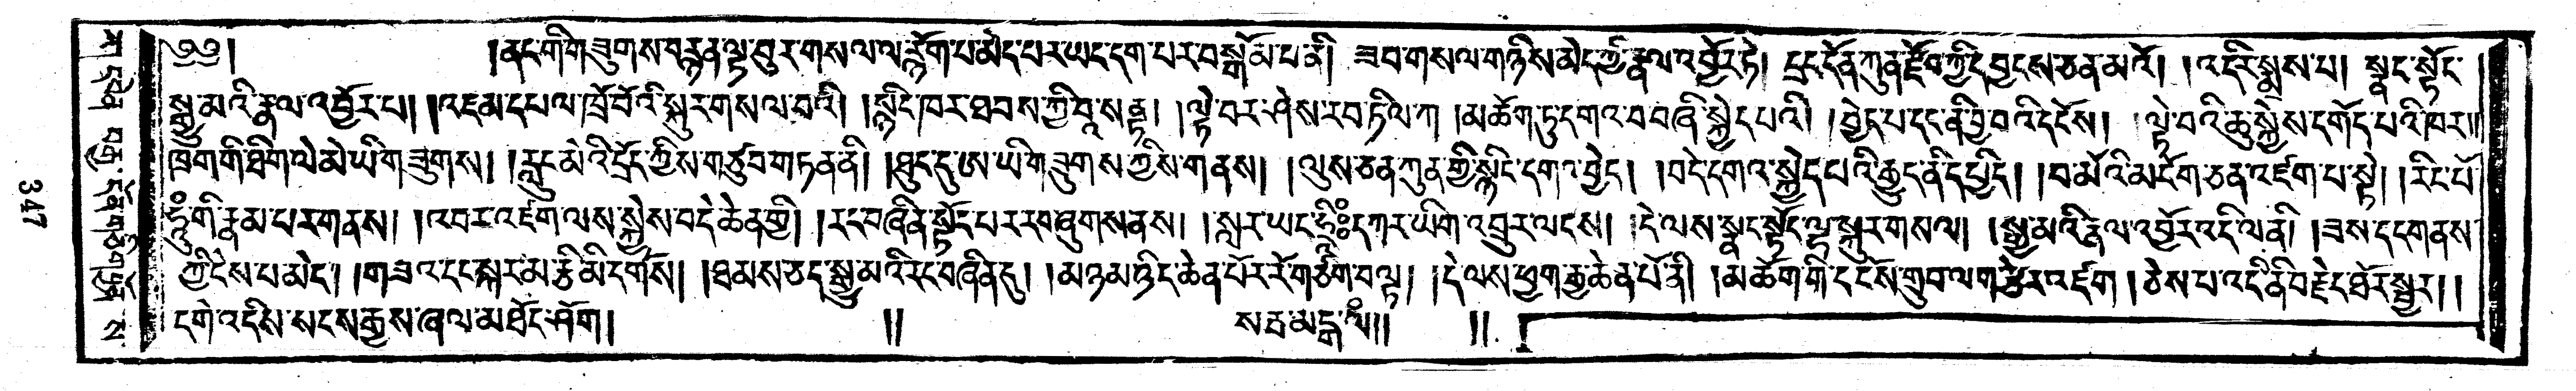༄༅། །ནང་གི་གཟུགས་བརྙན་ལྟ་བུར་གསལ་ལ་རྙོག་པ་མེད་པར་ཡང་དག་པར་བསྒོམ་པ་ནི། ཟབ་གསལ་གཉིས་མེད་ཀྱི་རྣལ་འབྱོར་ཏེ། དྲང་དོན་ཀུན་རྫོབ་ཀྱི་དབྱངས་ཅན་མའོ། །འདིར་སྨྲས་པ། སྣང་སྟོང་
སྒྱུ་མའི་རྣལ་འབྱོར་པ། །འཇམ་དཔལ་ཁྲོ་བོའི་སྐུར་གསལ་བའི། །སྙིང་ཁར་ཐབས་ཀྱི་བཱ་སནྟ། །ལྟེ་བར་ཤེས་རབ་ཏི་ལ་ཀ །མཆོག་ཏུ་དགའ་བ་བཞི་སྐྱེད་པའི། །བྱེད་པ་དང་ནི་བྱ་བའི་དངོས། །ལྟེ་བའི་ཆུ་སྐྱེས་དགོད་པའི་ཁར།།
ཁྲག་གི་ཐིག་ལེ་མེ་ཡི་གཟུགས། །རླུང་མེའི་དྲོད་ཀྱིས་གཙུབ་གཏན་ནི། །ཐུང་དུ་ཨ་ཡི་གཟུགས་ཀྱིས་གནས། །ལུས་ཅན་ཀུན་གྱི་སྙིང་དགའ་བྱེད། །བདེ་དགའ་སྐྱེད་པའི་རྒྱུད་ནི་དཔྱིད། །བ་མོའི་མངོག་ཅན་འཛག་པ་སྟེ། །རིང་པོ་
ཧཱུཾ་གི་རྣམ་པར་གནས། །འབར་འཛག་ལས་སྐྱེས་བདེ་ཆེན་གྱི། །རང་བཞིན་སྟོང་པར་རབ་ཞུགས་ནས། །སླར་ཡང་ཧྲཱིཾཿ དཀར་ཡིག་འབྲུར་ལངས། །དེ་ལས་སྣང་སྟོང་ལྷ་སྐུར་གསལ། །སྒྱ་མའི་རྣལ་འབྱོར་འདི་ལ་ནི། །ཟས་དད་གནས་
ཀྱི་ངེས་པ་མེད། །གཟའ་དང་སྐར་མ་རྩི་མི་དགོས། །ཐམས་ཅད་སྒྱུ་མའི་རང་བཞིན་དུ། །མཉམ་ཉིད་ཆེན་པོར་རོ་གཙག་བལྟ། །དེ་ལས་ཕྱག་རྒྱ་ཆེན་པོ་ནི། །མཆོག་གི་དངོས་གྲུབ་ལག་རྩེར་འཛག །ཅེས་པ་འདི་ནི་བརྗེད་ཐོར་སྦྱར། །
དགེ་འདིས་སངས་རྒྱས་ཞལ་མཐོང་ཤོག། །། སརྦ་མངྒ་ལཾ།། །།